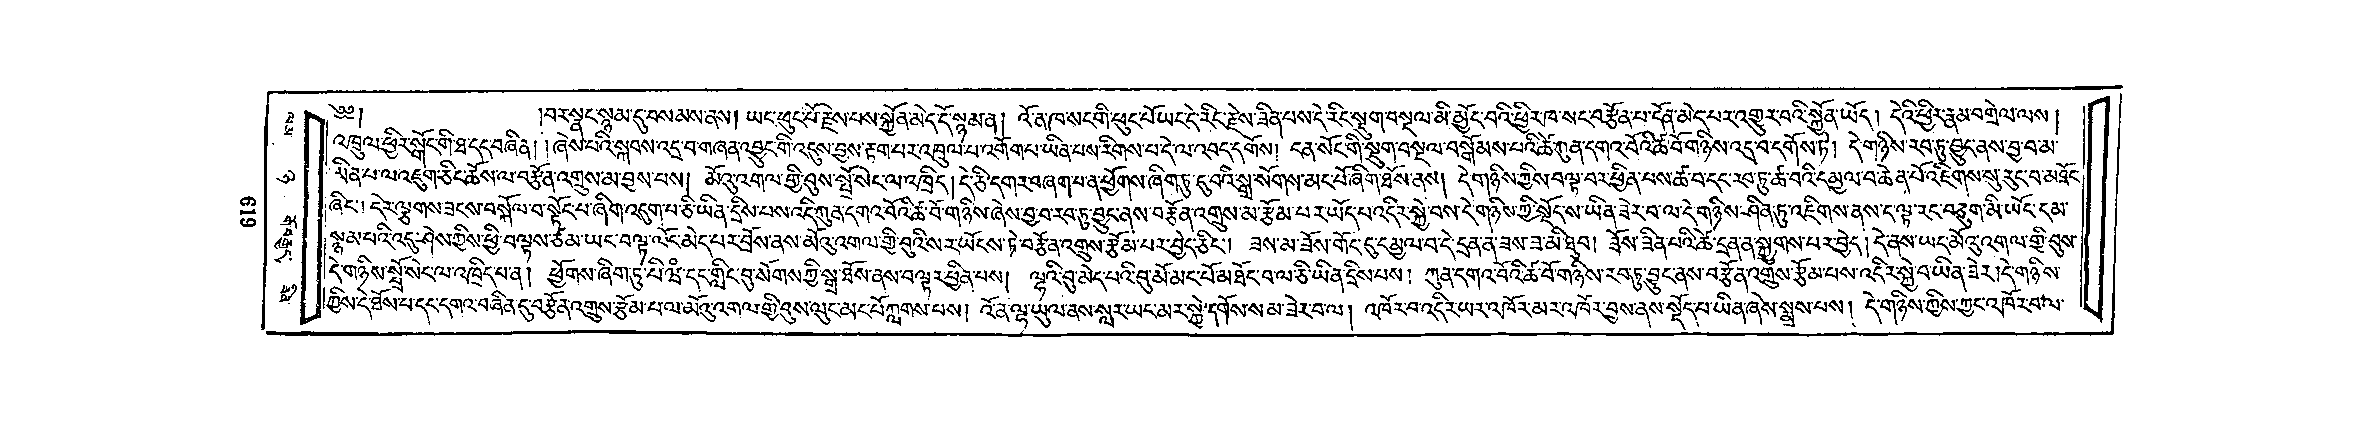༄༅། །བར་སྣང་སྙམ་དུ་བསམས་ནས། ཡང་ཕུང་པོ་རྗེས་པས་སྐྱོན་མེད་དོ་སྙམ་ན། འོ་ན་ཁ་སང་གི་ཕུང་པོ་ཡང་དེ་རིང་རྗེས་ཟིན་པས་དེ་རིང་སྡུག་བསྔལ་མི་མྱོང་བའི་ཕྱིར་ཁ་སང་བརྩོན་པ་དོན་མེད་པར་འགྱུར་བའི་སྐྱོན་ཡོད། དེའི་ཕྱིར་རྣམ་བགྲེལ་ལས།
འཁྲུལ་ཕྱིར་སྒོང་གི་ཐ་དད་བཞིན། །ཞེས་པའི་སྐབས་འདྲ་བ་གཞན་འབྱུང་གི་འདུས་བྱས་རྟག་པར་འཁྲུལ་པ་འགོག་པ་ཡིན་པས་རིགས་པ་དེ་ལ་འབད་དགོས། ངན་སོང་གི་སྡུག་བསྔལ་བསྒོམས་པའི་ཚེ་ཀུན་དགའ་བོའི་ཚ་བོ་གཉིས་གཉིས་འདྲ་བ་དགོས་ཏེ། དེ་གཉིས་རབ་ཏུ་བྱུང་ནས་བྱ་བ་མ་
མིན་པ་ལ་འཇུག་ཅིང་ཆོས་ལ་བརྩོན་འགྲུས་མ་བྱས་པས། མོའུ་འགལ་གྱི་བུས་སྤྲོ་སེང་ལ་འཁྲིད། དེ་ཅི་དགར་བཞག་པ་ན་ཕྱོགས་ཞིག་ཏུ་དུ་བའི་སྒྲ་སོགས་མང་པོ་ཞིག་ཐོས་ནས། དེ་གཉིས་ཀྱིས་བལྟ་བར་ཕྱིན་པས་ཚ་བ་དང་རབ་ཏུ་ཚ་བའི་དམྱལ་བ་ཆེན་པོ་འཇིགས་སུ་རུང་བ་མཐོང་
ཞིང་། དེར་ལྕགས་ཟངས་བསྐོལ་བ་སྟོང་པ་ཞིག་འདུག་པ་ཅི་ཡིན་དྲིས་པས་འདི་ཀུན་དགའ་བོའི་ཚ་བོ་གཉིས་ཞེས་བྱ་བ་རབ་ཏུ་བྱུང་ནས་བརྩོན་འགྲུས་མ་རྩོམ་པར་ཡོད་པ་འདིར་སྐྱེ་བས་དེ་གཉིས་ཀྱི་སྡོད་ས་ཡིན་ཟེར་བ་ལ་དེ་གཉིས་ཤིན་ཏུ་འཇིགས་ནས་ད་ལྟ་རང་བཅུག་མི་ཡོང་དམ་
སྙམ་པའི་འདུ་ཤེས་ཀྱིས་ཕྱི་བལྟས་ཙམ་ཡང་བལྟ་ལོང་མེད་པར་བྲོས་ནས་མོའུ་འགལ་གྱི་བུའི་སར་ཡོངས་ཏེ་བརྩོན་འགྲུས་རྩོམ་པར་བྱེད་ཅིང་། ཟས་མ་ཟོས་གོང་དུ་དམྱལ་བ་དེ་དྲན་ན་ཟས་ཟ་མི་ཐུབ། ཟོས་ཟིན་པའི་ཚེ་དྲན་ན་སྐྱུགས་པར་བྱེད། དེ་ནས་ཡང་མོའུ་འགལ་གྱི་བུས་
དེ་གཉིས་སྤྲོ་སེང་ལ་འཁྲིད་པ་ན། ཕྱོགས་ཞིག་ཏུ་པི་ཝཾ་དང་གླིང་བུ་སོགས་ཀྱི་སྒྲ་ཐོས་ནས་བལྟར་ཕྱིན་པས། ལྷའི་བུ་མེད་པའི་བུ་མོ་མང་པོ་མཐོང་བ་ལ་ཅི་ཡིན་དྲིས་པས། ཀུན་དགའ་བོའི་ཚ་བོ་གཉིས་རབ་ཏུ་བྱུང་ནས་བརྩོན་འགྲུས་རྩོམ་པས་འདིར་སྐྱེ་བ་ཡིན་ཟེར། དེ་གཉིས་
ཀྱིས་དེ་ཐོས་པ་དང་དགའ་བཞིན་དུ་བརྩོན་འགྲུས་རྩོམ་པ་ལ་མོའུ་འགལ་གྱི་བུས་ལུང་མང་པོ་ཀླགས་པས། འོ་ན་ལྷ་ཡུལ་ནས་སླར་ཡང་མར་སྐྱེ་དགོས་སམ་ཟེར་བ་ལ། འཁོར་བ་འདིར་ཡར་འཁོར་མར་འཁོར་བྱས་ནས་སྡོད་པ་ཡིན་ཞེས་སྨྲས་པས། དེ་གཉིས་ཀྱིས་ཀྱང་འཁོར་བ་ལ་